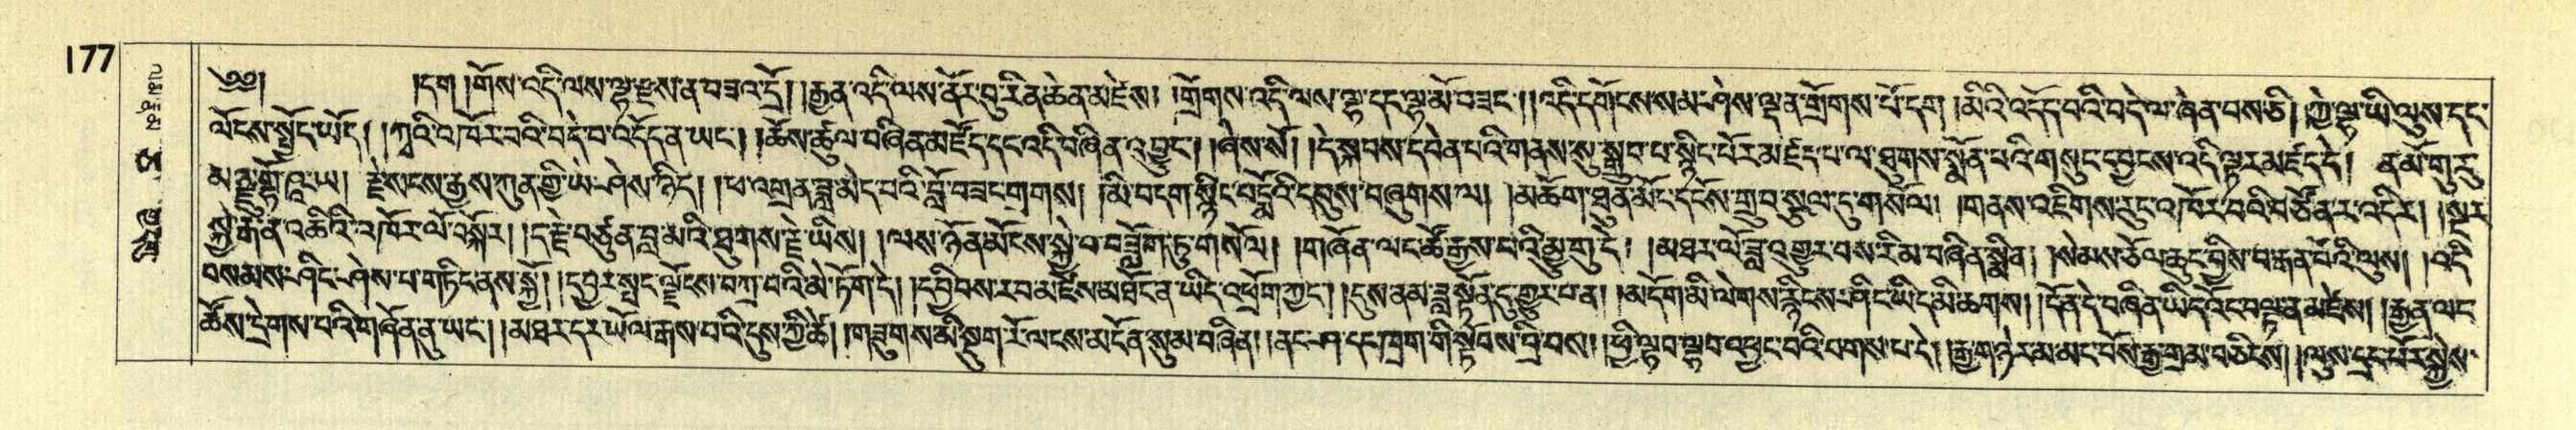༄༅། །དག །གོས་འདི་ལས་ལྷ་རྫས་ན་བཟའ་དྲོ། །རྒྱན་འདི་ལས་ནོར་བུ་རིན་ཆེན་མཛེས། །གྲོགས་འདི་ལས་ལྷ་དང་ལྷ་མོ་བཟང་། །འདི་དགོངས་སམ་ཤེས་ལྡན་གྲོགས་པོ་དག །མིའི་འདོད་པའི་བདེ་ལ་ཞེན་བས་ཅི། །ཀྱེ་ལྷ་ཡི་ལུས་དང་
ལོངས་སྤྱོད་ཡོད། །ཀྭའི་འཁོར་བའི་བདེ་བ་འདོད་ན་ཡང་། །ཆོས་ཚུལ་བཞིན་མཛོད་དང་འདི་བཞིན་འབྱུང་། །ཞེས་སོ། །དེ་སྐབས་དབེན་པའི་གནས་སུ་སྒྲུབ་པ་སྙིང་པོར་མཛད་པ་ལ་ཐུགས་སྨོན་པའི་གསུང་དབྱངས་འདི་ལྟར་མཛད་དེ། ན་མོ་གུ་རུ་
མཉྫུ་གྷོ་ཥཱ་ཡ། རྗེ་སངས་རྒྱས་ཀུན་གྱི་ཡེ་ཤེས་ཉིད། །ཕ་འགྲན་ཟླ་མེད་པའི་བློ་བཟང་གྲགས། །མི་བདག་སྙིང་པདམོའི་དབུས་བཞུགས་ལ། །མཆོག་ཐུན་མོང་དངོས་གྲུབ་སྩལ་དུ་གསོལ། །གནས་འཇིགས་རུང་འཁོར་བའི་བཙོན་ར་འདིར། །སྔར་
སྐྱེ་རྒ་ན་འཆིའི་འཁོར་ལོ་བསྐོར། །ད་རྗེ་བཙུན་བླ་མའི་ཐུགས་རྗེ་ཡིས། །ལས་ཉོན་མོངས་སྐྱེ་བ་བཟློག་ཏུ་གསོལ། །གཞོན་ལང་ཚོ་རྒྱས་པའི་མྱུ་གུ་དེ། །མཐར་ལོ་ཟླ་འགྱུར་བས་རིམ་བཞིན་སྨིན། །སེམས་ཅོལ་ཆུང་བྱིས་བ་རྒན་པོའི་ལུས། །འདི་
བསམས་ཤིང་ཤེས་པ་གཏིང་ནས་སྐྱོ། །དབྱར་སྤང་ལྗོངས་བཀྲ་བའི་མེ་ཏོག་དེ། །དབྱིབས་རབ་མཛེས་མཐོང་ན་ཡིད་འཕྲོག་ཀྱང་། །དུས་ནམ་ཟླ་སྟོན་དུ་གྱུར་པ་ན། །མདོག་མི་ལེགས་རྙིངས་ཤིང་ཡིད་མི་ཆགས། །དོན་དེ་བཞིན་ཡིད་འོང་བལྟ་ན་མཛེས། །རྒྱན་ལང་
ཚོས་དྲེགས་པའི་གཞོན་ནུ་ཡང་། །མཐར་དར་ཡོལ་རྒས་པའི་དུས་ཀྱི་ཚེ། །གཟུགས་མི་སྡུག་རོ་ལངས་མངོན་སུམ་བཞིན། །ནང་ཤ་དང་ཁྲག་གི་སྟོབས་བྲི་བས། །ཕྱི་ལྷབ་ལྷབ་འཕྱང་བའི་པགས་པ་དེ། །རྒྱ་གཉེར་མ་མང་པོས་རྒྱ་གྲམ་བཅིངས། །ལུས་དྲང་པོར་སྐྱེས་